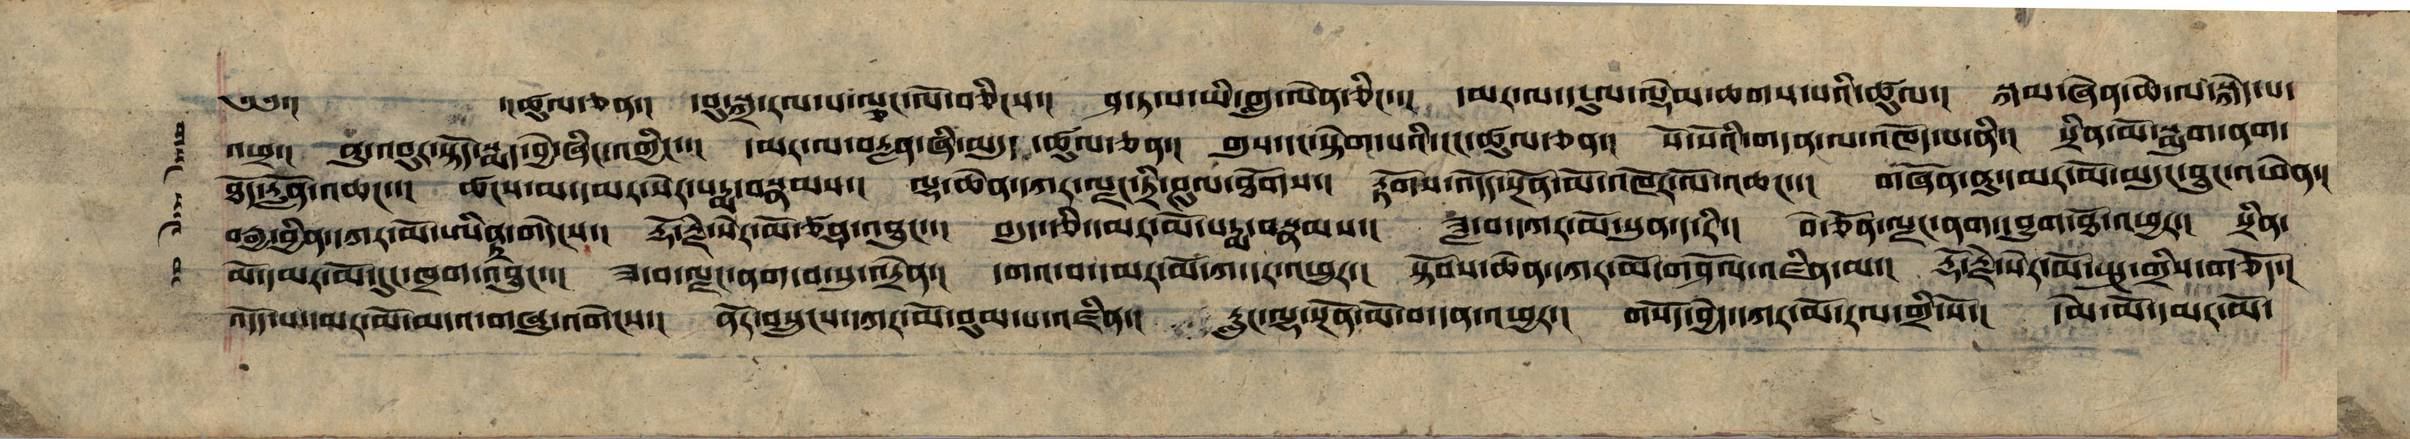༄༅་། ་།ཚུལ་ཅན་། དབུ་སྐྲ་རལ་པ་ལྕང་ལོ་བཅིངས་། ཤ་ཏ་པ་ཡི་གླུ་ལེན་ཅིང་་། དམར་ལ་དངུལ་ལྡེམ་ཆགས་པའི་ཚུལ་། སྐམ་ཞེན་ཆེ་ལ་སྐེད་པ་
འཕྲ་། ནུ་འབུར་སྟོད་སྨད་བྱེ་ཞིང་འགྱིང་་། དམར་ལ་བརླན་ཞི་མདུད ་ཚུལ་ཅན་། གུས་དང་སྟེག་པའི་ངང་ཚུལ་ཅན་། སོ་སོའི་གདན་ལ་འཁོད་པ་ནི་། སྲིན་མོ་སྨུག་ནག་
ཐོད་རླཽན་འཆང་་། ཚངས་མ་དམར་སེར་པདྨ་བསྣམས་། ལྷ་ཆེན་དཀར་ལྗང་ཏྲི་ཤུལ་ཐོགས་། རྟོགས་འདོད་སྔོན་མོ་འཁོར་ལོ་འཆང་་། གཞོན་ནུ་དམར་མོ་མདུང་ཐུང་འཕེན་།
བརྒྱ་བྱིན་དཀར་མོ་ཨིནྟ་གདེངས་། རྡོ་རྗེ་སེར་མོ་ཙནྡ་འཐུང་་། བདུད་རྩི་དམར་མོ་པདྨ་བསྣམས་། ཟླ་བ་དཀར་མོ་སུན་ད་རི་། བེ་ཅོན་ལྗང་ནག་དབྱུག་ཐོ་འཕྱར་། སྲིན་
མོ་དམར་མོ་དུང་ཁྲག་འཐུང་་། ཟ་བ་ལྗང་ནག་བ་སུ་འདྲེན་། དགའ་བ་དམར་མོ་ཀ་དར་འཕྱར་། སྟོབས་ཆེན་དཀར་མོ་གཤོལ་འཛིན་མ་། རྡོ་རྗེ་སེར་མོ་སྤུ་གྲིས་གཅོད་།
འདོད་པ་དམར་མོ་མདའ་གཞུ་འགེངས་། ནོར་བསྲུངས་དཀར་མོ་བུམ་པ་འཛིན་།། རླུང་ལྷ་སྔོན་མོ་བ་དན་འཕྱར་། གསོད་བྱེད་དཀར་མོ་རལ་གྲི་སོ་། དམེ་མོ་དམར་མོ་